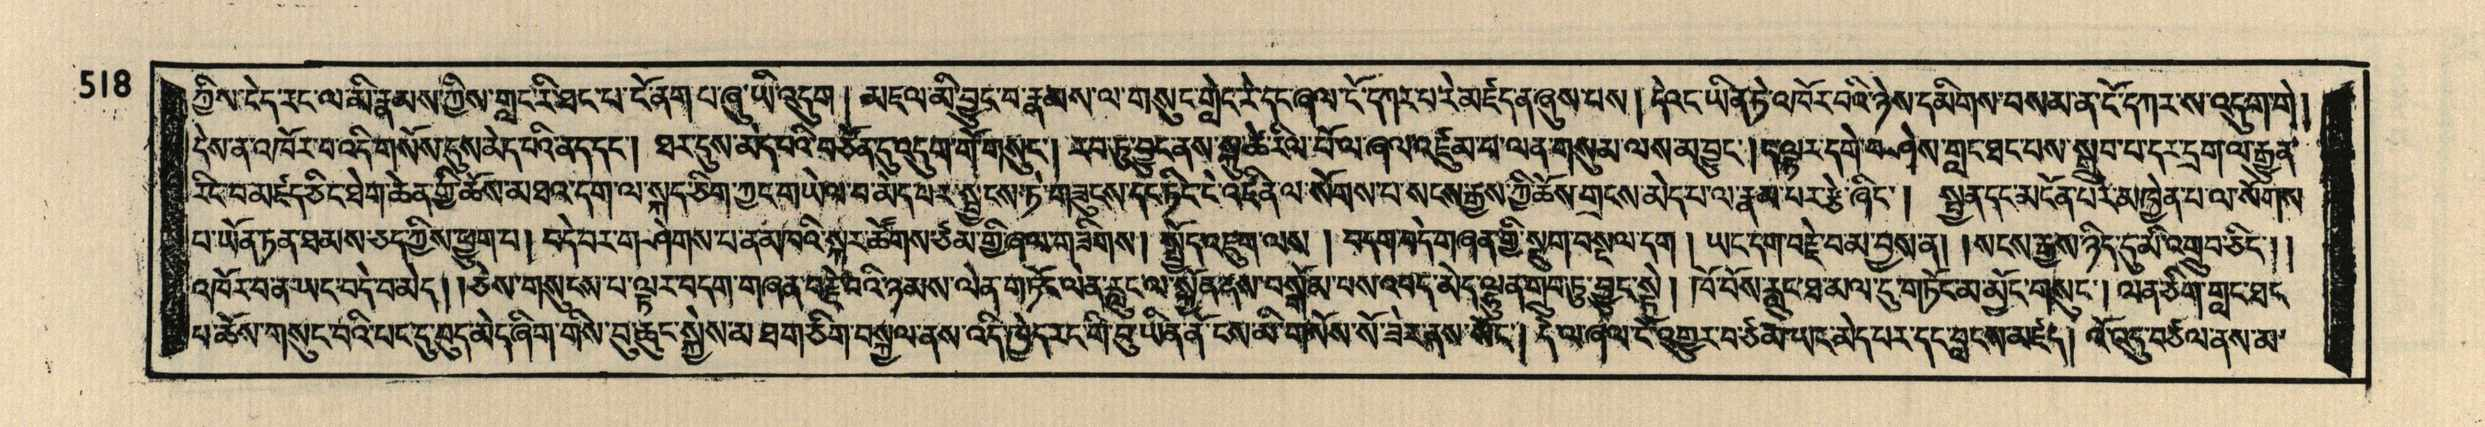ཀྱིས་ངེད་རང་ལ་མི་རྣམས་ཀྱིས་གླང་རི་ཐང་པ་ངོ་ནག་པ་ཞུ་ཡི་འདུག། མཇལ་མི་བྱུང་བ་རྣམས་ལ་གསུང་གླེང་རེ་དང་ཞལ་ངོ་དཀར་པ་རེ་མཛད་ན་ཞུས་པས། དེའང་ཡིན་ཏེ་འཁོར་བའི་ཉེས་དམིགས་བསམ་ན་ངོ་དཀར་ས་འདུག་གེ།
དེས་ན་འཁོར་བ་འདི་གསོས་དུས་མེད་པའི་ནད་དང་། ཐར་དུས་མེད་པའི་བཙོན་དུ་འདུག་གོ་གསུང་། རབ་ཏུ་བྱུང་ནས་སྐུ་ཚེ་རིལ་པོ་ལ་ཞལ་འཛུམ་པ་ལན་གསུམ་ལས་མ་བྱུང་། ད་ལྟར་དགེ་བཤེས་གླང་ཐང་པས་སྒྲུབ་པ་དར་དྲག་ལ་རྒྱུན་
རིང་བ་མཛད་ཅིང་ཐེག་ཆེན་གྱི་ཆོས་མཐའ་དག་ལ་སྐད་ཅིག་ཀྱང་གཡེལ་བ་མེད་པར་སྦྱངས་ཏེ་གཟུངས་དང་ཏིང་ངེ་འཛིན་ལ་སོགས་པ་སངས་རྒྱས་ཀྱི་ཆོས་གྲངས་མེད་པ་ལ་རྣམ་པར་རྩེ་ཞིང་། སྤྱན་དང་མངོན་པར་མཁྱེན་པ་ལ་སོགས་
པ་ཡོན་ཏན་ཐམས་ཅད་ཀྱིས་ཕྱུག་པ། བདེ་བར་གཤེགས་པ་ན་མཁའི་སྐར་ཚོགས་ཙམ་གྱི་ཞལ་གཟིགས། སྤྱོད་འཇུག་ལས། བདག་བདེ་གཞན་གྱི་སྡུག་བསྔལ་དག། ཡང་དག་བརྗེ་བ་མ་བྱས་ན། །སངས་རྒྱས་ཉིད་དུ་མི་འགྲུབ་ཅིང།།
འཁོར་བ་ན་ཡང་བདེ་བ་མེད། །ཅེས་གསུངས་པ་ལྟར་བདག་གཞན་བརྗེ་བའི་ཉམས་ལེན་གཏོང་ལེན་རླུང་ལ་སྐྱོན་ནས་བསྒོམ་པས་འབད་མེད་ལྷུན་གྲུབ་ཏུ་བྱུང་སྟེ། ཁོ་བོས་རླུང་ཐ་མལ་དུ་གཏོང་མ་མྱོང་གསུང་། ལན་ཅིག་གླང་ཐང་
པ་ཆོས་གསུང་བའི་པང་དུ་བུད་མེད་ཞིག་གིས་བུ་ཆུང་སྐྱེས་མ་ཐག་ཅིག་བསྐྱལ་ནས་འདི་ཁྱེད་རང་གི་བུ་ཡིན་ནོ་ངས་མི་གསོས་སོ་ཟེར་ནས་སོང་། དེ་ལ་ཞལ་ངོ་འགྱུར་བ་ཙམ་ཡང་མེད་པར་དང་བླངས་མཛད། འོ་འདུ་བཙལ་ནས་མ་